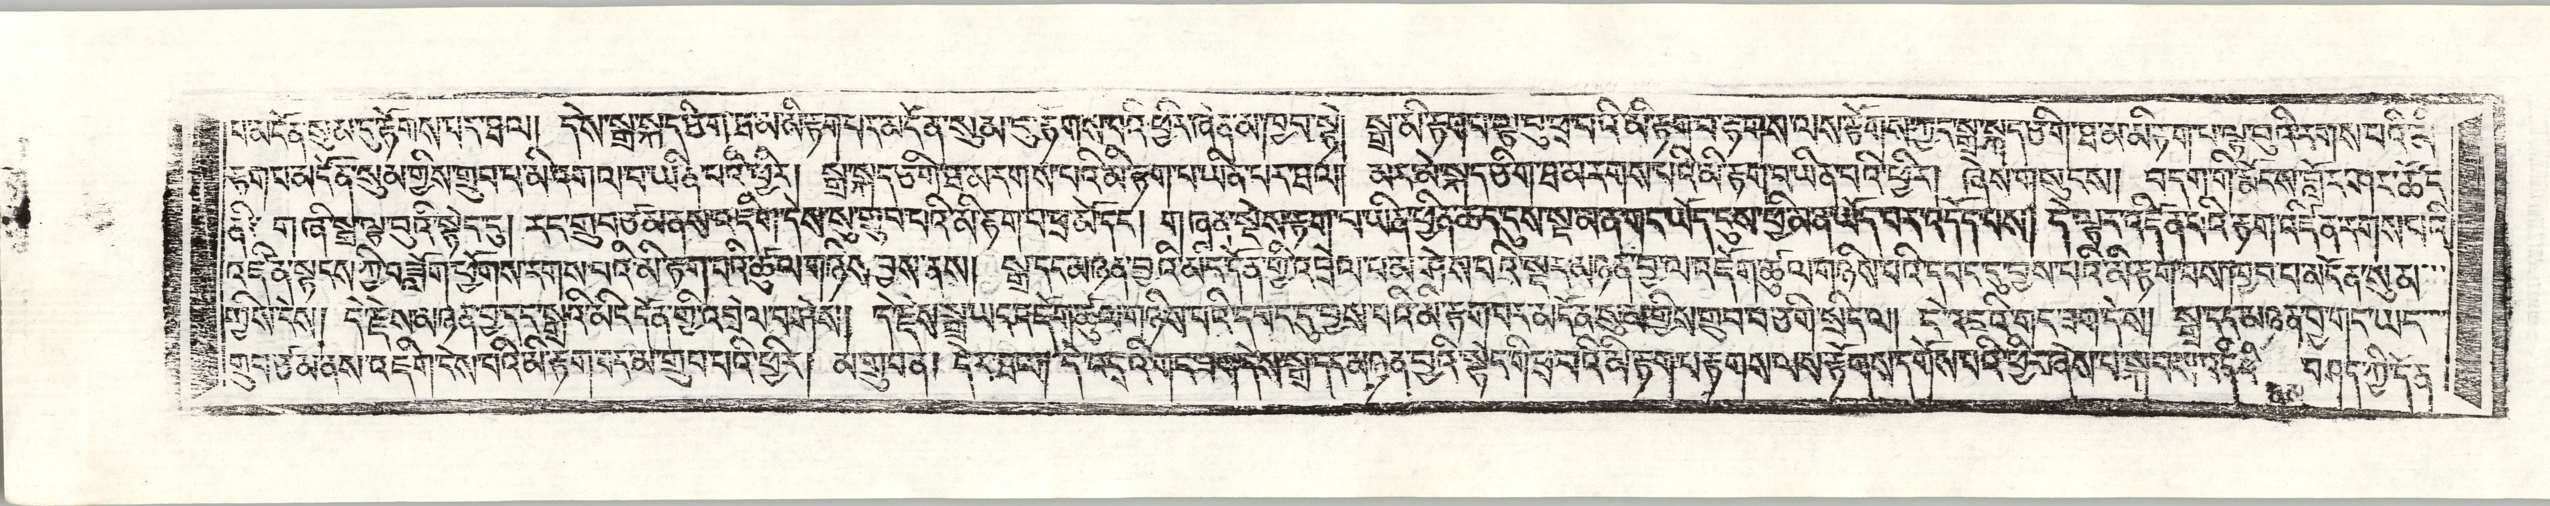པ་མངོན་སུམ་དུ་རྟོགས་པར་ཐལ། དེས་སྒྲ་སྐད་ཅིག་ཐ་མ་མི་རྟག་པར་མངོན་སུམ་དུ་རྟོགས་པའི་ཕྱིར་ཞེ་ན་མ་ཁྱབ་སྟེ། སྒྲ་མི་རྟག་པ་ལྟ་བུ་ཕྲ་བའི་མི་རྟག་པ་རྟགས་ལས་རྟོགས་ཀྱང་སྒྲ་སྐད་ཅིག་ཐ་མ་མི་རྟག་པ་ལྟ་བུའི་རགས་པའི་མི་
རྟག་པ་མངོན་སུམ་གྱིས་གྲུབ་པ་མི་འགལ་བ་ཡིན་པའི་ཕྱིར། སྒྲ་སྐད་ཅིག་ཐ་མ་རགས་པའི་མི་རྟག་པ་ཡིན་པར་ཐལ། མར་མེ་སྐད་ཅིག་ཐ་མ་རགས་པའི་མི་རྟག་པ་ཡིན་པའི་ཕྱིར། ཞེས་གསུངས། བདག་གི་རྨོངས་བློར་ཤར་ཚོད་
ནི། གཞི་སྒྲ་ལྟ་བུའི་སྟེང་དུ། རང་གྲུབ་ཙམ་ནས་འཇིག་ངེས་སུ་གྲུབ་པའི་མི་རྟག་པ་ཕྲ་མོ་དང་། གཞན་སྡེས་རྟག་པ་ཡིན་ཕྱིན་ཆད་དུས་སྔ་མ་ན་གང་ཡོད་དུས་ཕྱི་མ་ན་ཡོད་པར་འདོད་པས། དེ་ལྟར་འཛིན་པའི་རྟག་འཛིན་རགས་པའི་
འཛིན་སྟངས་ཀྱི་ཟློག་ཕྱོགས་རགས་པའི་མི་རྟག་པའི་ཚུལ་གཉིས་བྱས་ནས། སྒྲ་དང་མཉན་བྱའི་མིང་དོན་གྱི་འབྲེལ་པ་མ་ཤེས་པའི་སྔར་མཉན་བྱ་ལ་འཇོག་ཚུལ་གཉིས་པའི་དབང་དུ་བྱས་པའི་མི་རྟག་པས་ཁྱབ་པ་མངོན་སུམ་
གྱིས་ངེས། དེ་རྗེས་མཉན་བྱ་དང་སྒྲའི་མིང་དོན་གྱི་འབྲེལ་བ་ཤེས། དེ་རྗེས་སྒྲ་ཡང་འཇོག་ཚུལ་གཉིས་པའི་དབང་དུ་བྱས་པའི་མི་རྟག་པར་མངོན་སུམ་གྱིས་གྲུབ་པ་ཞིག་སྲིད་ལ། དེ་འདྲའི་གང་ཟག་དེས། སྒྲ་དང་མཉན་བྱ་གང་ཡང་
གྲུབ་ཙམ་ནས་འཇིག་ངེས་པའི་མི་རྟག་པར་མ་གྲུབ་པའི་ཕྱིར། མ་གྲུབ་ན། དེར་ཐལ། དེ་འདྲའི་གང་ཟག་དེས་སྒྲ་དང་མཉན་བྱའི་སྟེང་གི་ཕྲ་བའི་མི་རྟག་པ་རྟགས་ལས་རྟོགས་དགོས་པའི་ཕྱིར་ཞེས་པ་སྐབས་འདིའི་རྣམ་བཤད་ཀྱི་དོན་